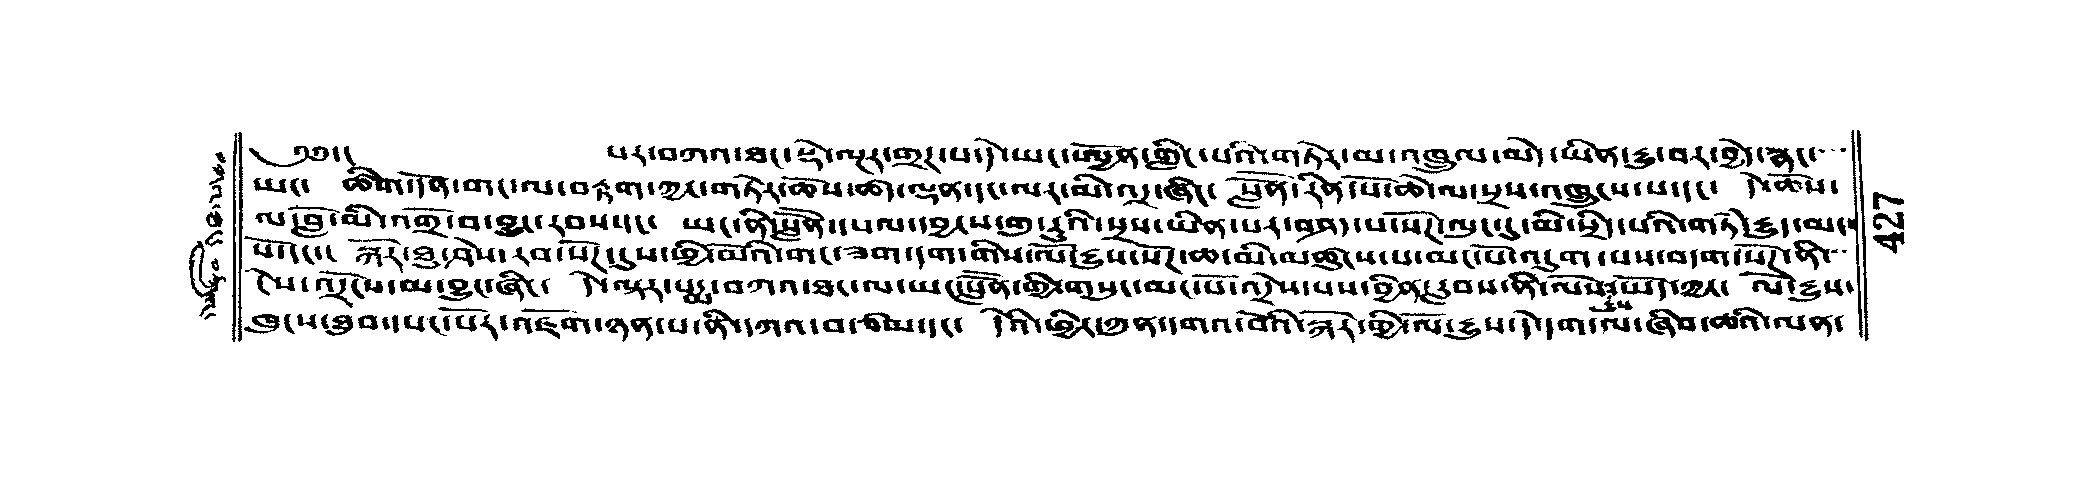པར་བཀའ་ཐང་སྡེ་ལྔར་གྲགས་པ་དེ་ཡང་ཨོ་རྒྱན་གླིང་པའི་གཏེར་མ་འཁྲུལ་མེད་ཡིན་རྒྱུ་བར་བྱེད་སྣང་
ཡང་། ཚིག་དོན་གང་ལ་བརྟགས་ཀྱང་གཏེར་ཆོས་ཚད་ལྡན་དང་ལར་མི་འདྲ་ཞིང་། སློབ་དཔོན་རིན་པོ་ཆེ་ལ་སྲས་འཁྲུངས་པ་དང་། དེ་ཆོས་
ལ་བློ་མི་འགྲོ་བ་བྱུང་རབས་དང་། ཡང་ནི་སློབ་དཔོན་དཔལ་དབྱངས་གུ་རུའི་སྲས་ཡིན་པར་བཤད་པ་སོགས་ལུང་དུ་མི་སྲིད་པའི་གཏམ་རྒྱུད་མང་
པོ་དང་། སྐོར་ཐུ་ཤེས་རབ་སོགས་དུས་ཕྱི་མོའི་གང་ཟག་དག་གིས་ལོ་རྒྱུས་སོགས་ཆ་མི་མཚུངས་པ་མང་པོ་འདུག་པས་བདག་སོགས་ནི་
ངེས་འདྲོངས་མ་བྱུང་ཞིང་།དེ་ལྟར་པདྨ་བཀའ་ཐང་ལ་ཡང་སློབ་དཔོན་གྱི་གསུང་མང་པོ་འདྲེས་པས་བྱིན་རླབས་ནི་ལོས་ཡོད་ཀྱང་། ལོ་རྒྱུས་
ཁུངས་ཐུབ་དཔང་པོར་འཇོག་ཉན་པ་ནི་དཀའ་བ་ཙམ་དང་། དེའི་ཕྱིར་ཀུན་དགའ་བོའི་སྐོར་གྱི་ལོ་རྒྱུས་དེ་དག་ལ་ཞིབ་ཆའི་ལན་